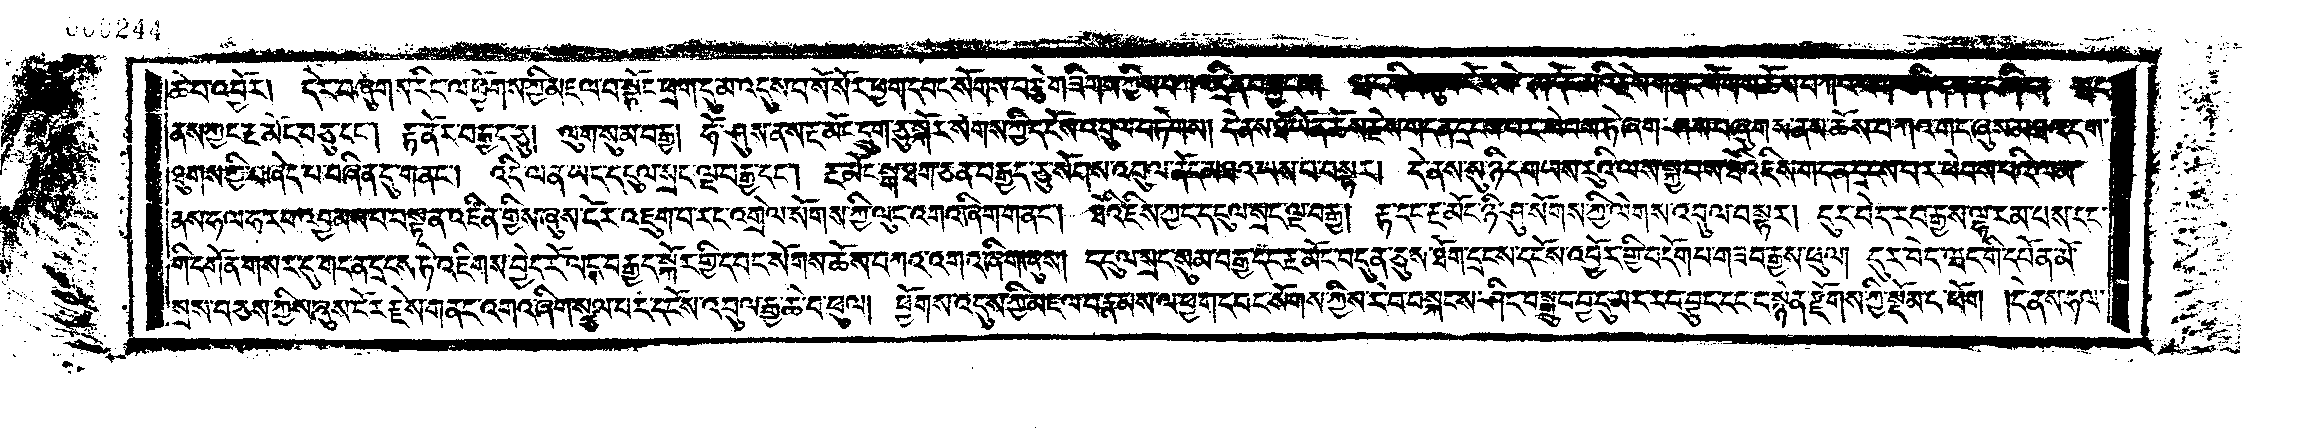ཆེ་བ་འབྱོར། དེར་བཞུགས་རིང་ལ་ཕྱོགས་ཀྱི་མཇལ་བ་སྟོང་ཕྲག་དུ་མ་འདུས་པ་སོ་སོར་ཕྱག་དབང་སོགས་བརྩེ་གཟིགས་ཀྱིས་བཀའ་དྲིན་བསྐྱངས། ཝང་གིས་ཞུས་ངོར་སེང་གདོང་མའི་རྗེས་གནང་སོགས་ཆོས་བཀའ་འགའ་ཞིག་གནང་ཞིང་། ཝང་
ནས་ཀྱང་རྔ་མོང་བཅུ་དང་། རྟ་ནོར་བརྒྱད་ཅུ། ལུག་སུམ་བརྒྱ། ཧོ་ཤུས་ནས་རྔ་མོང་དྲུག་ཅུ་སྐོར་སོགས་ཀྱི་དངོས་འབུལ་བཏེགས། དེ་ནས་ཐོ་ཡོན་ཆོས་རྗེས་གདན་དྲངས་པར་ཕེབས་ཏེ་ཞག་ཤས་བཞུགས་ནས་ཆོས་བཀའ་གང་ཞུས་མཐའ་དག་
ཐུགས་ཀྱི་བཞེད་པ་བཞིན་དུ་གནང་། འདི་ལན་ཡང་དངུལ་སྲང་ལྔ་བརྒྱ་དང་། རྔ་མོང་སྒ་ཐག་ཅན་བརྒྱད་ཅུ་སོགས་འབུལ་ནོད་མཐའ་ཡས་པ་བསྟར། དེ་ནས་སུ་ཉིད་གཡས་རུའི་ལས་སྐྱབས་ཐེའི་ཇིས་གདན་དྲངས་པར་ཕེབས་པའི་ལམ་
ནས་ཧལ་ཧ་རབ་འབྱམས་པ་བསྟན་འཛིན་གྱིས་ཞུས་ངོར་འཇུག་པ་རང་འགྲེལ་སོགས་ཀྱི་ལུང་འགའ་ཞིག་གནང་། ཐེའི་ཇིས་ཀྱང་དངུལ་སྲད་ལྔ་བརྒྱ། རྟ་དང་རྔ་མོང་ཉི་ཤུ་སོགས་ཀྱི་ལེགས་འབུལ་བསྟར། དུར་བེད་རབ་རྒྱས་ལྷ་རམ་པས་རང་
གི་དགོན་གསར་དུ་གདན་དྲངས་ཏེ་འཇིགས་བྱེད་རོ་ལང་བརྒྱད་སྐོར་གྱི་དབང་སོགས་ཆོས་བཀའ་འགའ་ཞིག་ཞུས། དངུལ་སྲང་སུམ་བརྒྱ་དང་རྔ་མོང་བདུན་ཅུས་ཐོག་དྲངས་དངོས་འབྱོར་གྱི་བདོག་པ་གཟབ་རྒྱས་ཕུལ། དུར་བདེ་ཝང་གི་དཔོན་མོ་
སྲས་བཅས་ཀྱིས་ཞུས་ངོར་རྗེས་གནང་འགའ་ཞིག་སྩལ་པར་དངོས་འབུལ་རྒྱ་ཆེ་བ་ཕུལ། ཕྱོགས་འདུས་ཀྱི་མཇལ་བ་རྣམས་ལ་ཕྱག་དབང་སོགས་ཀྱིས་རེ་བ་བསྐབས་ཤིང་བསྒྲུབ་བྱ་དུ་མར་རབ་བྱུང་དང་བསྙེན་རྫོགས་ཀྱི་སྡོམ་པ་ཕོག །དེ་ནས་ཧལ་